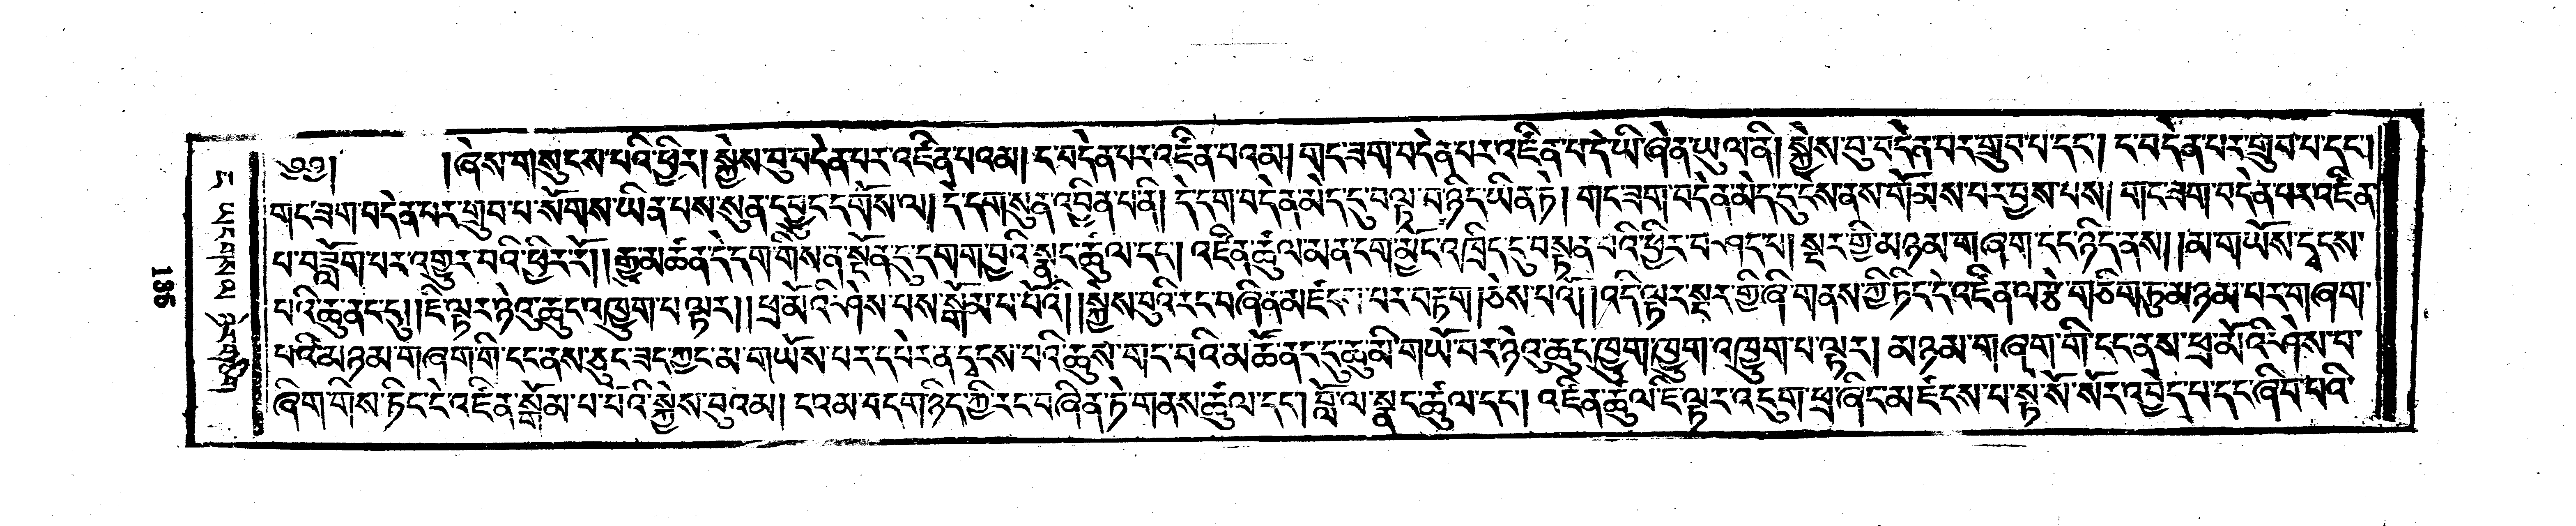༄༅། །ཞེས་གསུངས་པའི་ཕྱིར། སྐྱེས་བུ་བདེན་པར་འཛིན་པའམ། ང་བདེན་པར་འཛིན་པའམ། གང་ཟག་བདེན་པར་འཛིན་པ་དེ་ཡི་ཞེན་ཡུལ་ནི། སྐྱེས་བུ་བདེན་པར་གྲུབ་པ་དང་། ང་བདེན་པར་གྲུབ་པ་དང་།
གང་ཟག་བདེན་པར་གྲུབ་པ་སོགས་ཡིན་པས་སུན་དབྱུང་དགོས་ལ། དེ་དག་སུན་འབྱིན་པ་ནི། དེ་དག་བདེན་མེད་དུ་བལྟ་བ་ཉིད་ཡིན་ཏེ། གང་ཟག་བདེན་མེད་དུ་ངེས་ནས་གོམས་པར་བྱས་པས། གང་ཟག་བདེན་པར་འཛིན་
པ་བཟློག་པར་འགྱུར་བའི་ཕྱིར་རོ། །རྒྱུ་མཚན་དེ་དག་གིས་ན་སྔོན་དུ་དགག་བྱའི་སྣང་ཚུལ་དང་། འཛིན་ཚུལ་མན་ངག་མྱོང་འཁྲིད་དུ་བསྟན་པའི་ཕྱིར་བཤད་པ། སྔར་གྱི་མཉམ་གཞག་ངང་ཉིད་ནས། །མ་གཡོས་དྭངས་
པའི་ཆུ་ནང་དུ། །ཇི་ལྟར་ཉེའུ་ཆུང་འཁྱུག་པ་ལྟར། །ཕྲ་མོའི་ཤེས་པས་སྒོམ་པ་པོའི། །སྐྱེས་བུའི་རང་བཞིན་མཛངས་པར་བརྟག །ཅེས་པའོ། །འདི་ལྟར་སྔར་གྱི་ཞི་གནས་ཀྱི་ཏིང་ངེ་འཛིན་ལ་རྩེ་གཅིག་ཏུ་མཉམ་པར་གཞག་
པའི་མཉམ་གཞག་གི་ངང་ནས་ཅུང་ཟད་ཀྱང་མ་གཡོས་པར་དཔེར་ན་དྭངས་པའི་ཆུས་གང་བའི་མཚོ་ནང་དུ་ཆུ་མི་གཡོ་བར་ཉེའུ་ཆུང་ཁྱུག་ཁྱུག་འཁྱུག་པ་ལྟར། མཉམ་གཞག་གི་ངང་ནས་ཕྲ་མོའི་ཤེས་པ་
ཞིག་གིས་ཏིང་ངེ་འཛིན་སྒོམ་པ་པོའི་སྐྱེས་བུའམ། ངའམ་བདག་ཉིད་ཀྱི་རང་བཞིན་ཏེ་གནས་ཚུལ་དང་། བློ་ལ་སྣང་ཚུལ་དང་། འཛིན་ཚུལ་ཇི་ལྟར་འདུག་ཕྲ་ཞིང་མཛངས་པ་སྟེ་སོ་སོར་འབྱེད་པ་དང་ཞིབ་པའི་